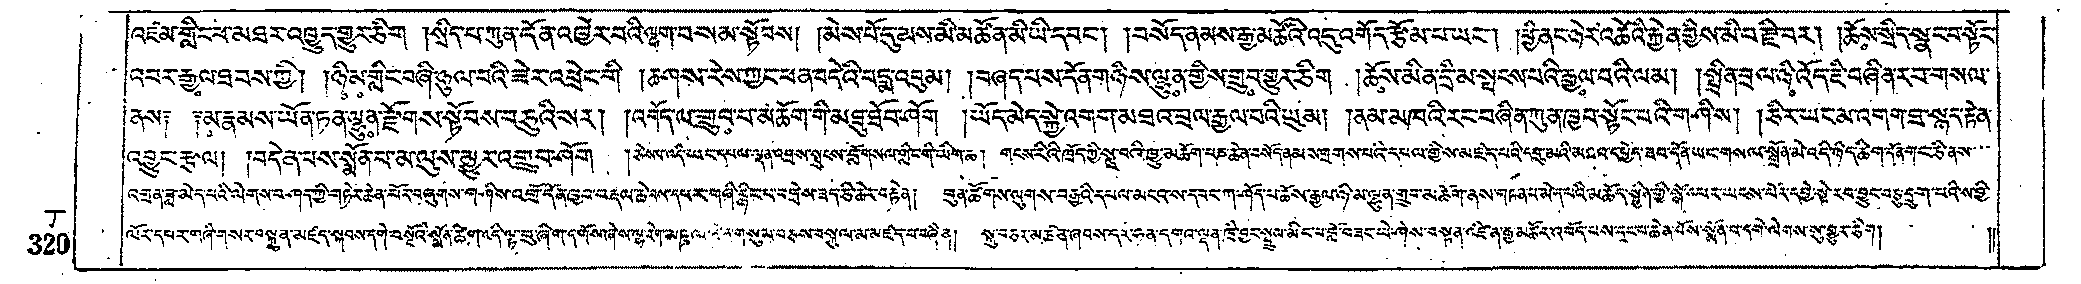འཛམ་གླིང་ཕ་མཐར་འཁྱུད་གྱུར་ཅིག །སྲིད་པ་ཀུན་དོན་འཁྱེར་བའི་ལྷག་བསམ་སྟོབས། །མེས་པོ་དུ་མས་མི་མཚོན་མི་ཡི་དབང་། །བསོད་ནམས་རྒྱ་མཚོའི་འདུ་འགོད་རྩོམ་པ་ཡང་། །ཕྱི་ནང་ཉེར་འཚོའི་རྐྱེན་གྱིས་མི་འཛི་བར། །ཆོས྾་སྲིད་སྣང་བ་སྟོང་
འབར་རྒྱལ྾་ཐབས་ཀྱི། །ཉི྾་མ྾་གླིང་བཞི་ཉུལ་བའི་ཟེར་འཕྲེང་གི །ཆ་ཤས་རེས་ཀྱང་ཕན་བདེའི་པདམ་འབུམ། །བཞད་པས་དོན་གཉིས་ལྷུན྾་གྱིས་གྲུབ྾་གྱུར་ཅིག །ཆོས྾་མིན་དྲི་མ་སྤངས་པའི་རྒྱལ྾་བའི་ལམ། །སྤྲིན་བྲལ་ཉི྾་འོད་ཇི་བཞིན་རབ་གསལ་
ནས༑ ༑མ྾་རྣམས་ཡོན་ཏན་ལྷུན྾་རྫོགས་སྟོབས་བཅུའི་སར། །འགོད་ལ་གྲུབ྾་པ་མཆོག་གི་མཐུ་ཐོབ་ཤོག །ཡོད་མེད་སྐྱེ་འགག་མཐའ་བྲལ་རྒྱལ་བའི་ཡུམ། །ནམ་མཁའི་རང་བཞིན་ཀུན་ཁྱབ་སྟོང་པའི་གཤིས། །ཅིར་ཡང་མ་འགག་ཐ་སྙད་རྟེན་
འབྱུང་རྩལ། །བདེན་པས་སྨོན་པ་མ་ལུས་མྱུར་འགྲུབ་ཤོག །ཅེས་པ་འདི་ཡང་དཔལ་ལྡན་འབྲས་སྤུངས་བློ་གསལ་གླིང་གི་ཡིག་ཆ། གངས་རིའི་ཁྲོད་ཀྱི་སྨྲ་བའི་ཁྱུ་མཆོག་པཎ་ཆེན་བསོད་ནམ་གྲགས་པའི་དཔལ་གྱིས་མཛད་པའི་དབུ་མའི་མཐའ་དཔྱོད་ཟབ་དོན་ཡང་གསལ་སྒྲོན་མེ་འདི་ཉིད་ཚིག་དོན་གང་ཅི་ནས་་་
འགྲན་ཟླ་མེད་པའི་ལེགས་བཤད་ཀྱི་གཏེར་ཆེན་པོར་བཞུགས་གཤིས་འགྲོ་དོན་ཁྱབ་བརྡལ་ཆེ་བས་དཔར་གཞི་རྙིང་པ་བགྲེས་ཟད་ཅི་ཆེར་བརྟེན། ཕུན་ཚོགས་ལུགས་བརྒྱའི་དཔལ་མངའ་ས་དབང་ཀ་ཤོད་པ་ཆོས་རྒྱལ་ཉི་མ་ལྷུན་གྲུབ་མཆོག་ནས་གཏན་པ་མེད་པའི་མཆོད་སྦྱིན་གྱི་སྒོ་འཕར་ཡངས་པོར་དབྱེ་སྟེ་རབ་བྱུང་བཅུ་དྲུག་པའི་ས་བྱི་
ལོར་དཔར་གཞི་གསར་བསྐྲུན་མཛད་སྐབས་དགེ་བསྔོའི་སྨོན་ཚིག་འདི་ལྟ་བུ་ཞིག་དགོས་ཞེས་ལྷ་རེག་མཎྜལ་རྟེན་གསུམ་བཅས་བསྐུལ་མ་མཛད་པ་བཞིན། སྐུ་བཅར་མཚན་ཞབས་དར་ཧན་དགའ་ལྡན་ཁྲི་བྱང་སྤྲུལ་མིང་པ་བློ་བཟང་ཡེ་ཤེས་བསྟན་འཛིན་རྒྱ་མཚོར་འབོད་པས་དྭང་པ་ཆེན་པོས་སྨོན་པ་དགེ་ལེགས་སུ་གྱུར་ཅིག། །།